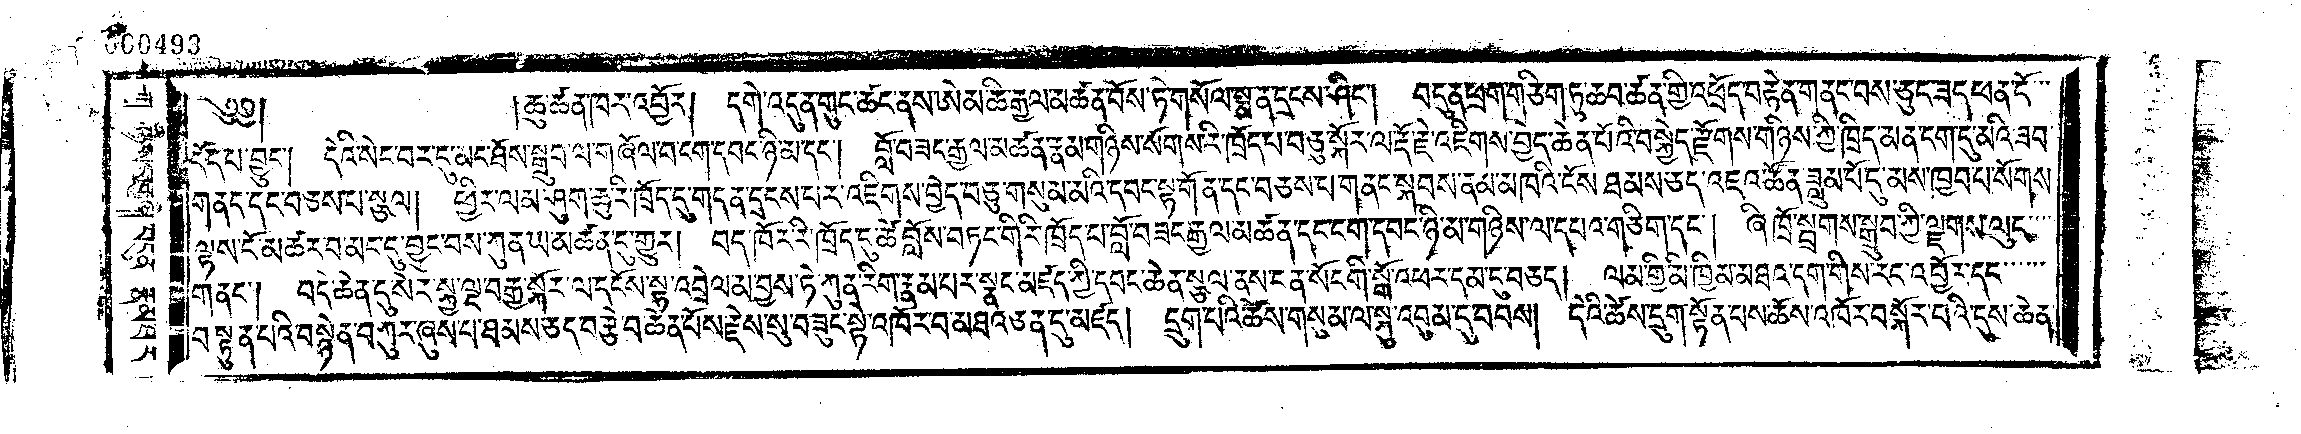༄༅། །ཆུ་ཚན་ཁར་འབྱོར། དགེ་འདུན་གུང་ཚང་ནས་ཨེམ་ཆི་རྒྱལ་མཚན་བོས་ཏེ་གསོལ་སྨན་དྲངས་ཤིང་། བདུན་ཕྲག་གཅིག་ཏུ་ཆབ་ཚན་གྱི་འཕྲོད་བརྟེན་གནང་བས་ཅུང་ཟད་ཕན་ངོ་
དོད་པ་བྱུང་། དེའི་སེང་བར་དུ་མང་ཐོས་སྒྲུབ་ལ་གཞོལ་བ་ངག་དབང་ཉི་མ་དང་། བློ་བཟང་རྒྱལ་མཚན་རྣམ་གཉིས་སོགས་རི་ཁྲོད་པ་བཅུ་སྐོར་ལ་རྡོ་རྗེ་འཇིགས་བྱེད་ཆེན་པོའི་བསྐྱེད་རྫོགས་གཉིས་ཀྱི་ཁྲིད་མན་ངག་དུ་མའི་ཟབ་
གནང་དང་བཅས་པ་སྩལ། ཕྱིར་ལམ་ཤུག་ཆུ་རི་ཁྲོད་དུ་གདན་དྲངས་པར་འཇིགས་བྱེད་བཅུ་གསུམ་མའི་དབང་སྟ་གོན་དང་བཅས་པ་གནང་སྐབས་ནམ་མཁའི་ངོས་ཐམས་ཅད་འཇའ་ཚོན་ཟླུམ་བོ་དུ་མས་ཁྱབ་པ་སོགས་
ལྟས་ངོ་མཚར་བ་མང་དུ་བྱུང་བས་ཀུན་ཡ་མཚན་དུ་གྱུར། བད་ཁོར་རི་ཁྲོད་དུ་ཚེ་བློས་བཏང་གི་རི་ཁྲོད་པ་བློ་བཟང་རྒྱལ་མཚན་དང་ངག་དབང་ཉི་མ་གཉིས་ལ་དཔའ་གཅིག་དང་། ཞི་ཁྲོ་སྦྲགས་སྒྲུབ་ཀྱི་ལྗགས་ལུང་
གནང་། བདེ་ཆེན་དུ་སེར་སྐྱ་ལྔ་བརྒྱ་སྐོར་ལ་དངོས་སྟ་འབྲེལ་མ་བྱས་ཏེ་ཀུན་རིག་རྣམ་པར་སྣང་མཛད་ཀྱི་དབང་ཆེན་སྩལ་ནས་ངན་སོང་གི་སྒོ་འཕར་དམ་དུ་བཅད། ལམ་གྱི་མི་ཁྱིམ་མཐའ་དག་གིས་རང་འབྱོར་དང་
བསྟུན་པའི་བསྙེན་བཀུར་ཞུས་པ་ཐམས་ཅད་བརྩེ་བ་ཆེན་པོས་རྗེས་སུ་བཟུང་སྟེ་འཁོར་བ་མཐའ་ཅན་དུ་མཛད། དྲུག་པའི་ཚེས་གསུམ་ལ་སྐུ་འབུམ་དུ་བབས། དེའི་ཚེས་དྲུག་སྟོན་པས་ཆོས་འཁོར་བསྐོར་བའི་དུས་ཆེན་